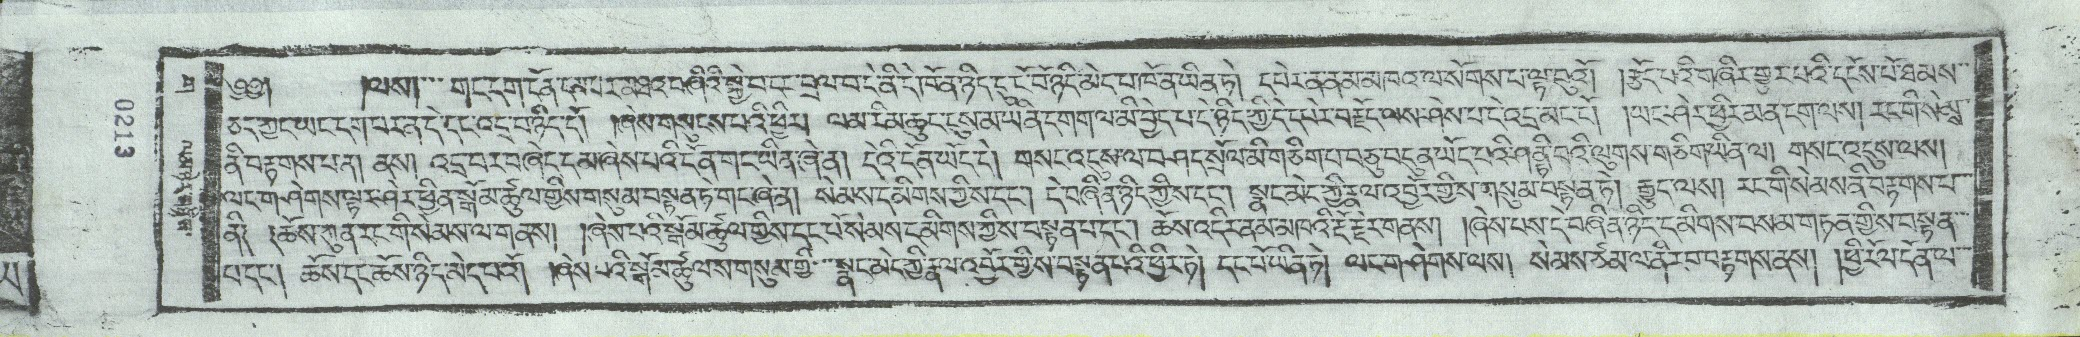༄༅། །ལས། གང་དག་དོན་དམ་པར་མཐའ་བཞིའི་སྐྱེ་བ་དང་བྲལ་བ་དེ་ནི་དེ་ཁོ་ན་ཉིད་དུ་ངོ་བོ་ཉིད་མེད་པ་ཁོ་ན་ཡིན་ཏེ། དཔེར་ན་ནམ་མཁའ་ལ་སོགས་པ་ལྟ་བུའོ། །རྩོད་པའི་གཞིར་གྱུར་པའི་དངོས་པོ་ཐམས་
ཅད་ཀྱང་ཡང་དག་པར་ན་དེ་དང་འདྲ་བ་ཉིད་དོ། །ཞེས་གསུངས་པའི་ཕྱིར། ལམ་རིམ་ཆུང་ངུས་མ་ཡིན་དགག་ལ་མི་བྱེད་པ་དེ་ཉིད་ཀྱི་དེ་དཔེར་བརྗོད་ལས་ཤེས་པ་དེ་འདྲ་མང་ངོ། །ཡང་ཤེར་ཕྱིར་མན་ངག་ལས། རང་གི་སེམས་
ནི་བརྟགས་པ་ན། ནས། འདྲ་བར་བཞེད་དམ་ཞེས་པའི་དོན་གང་ཡིན་ཞེ་ན། དེའི་དོན་ཡོད་དེ། གསང་འདུས་ལ་བཤད་སྲོལ་མི་གཅིག་པ་བཅུ་བདུན་ཡོད་པའི་ཤནྟི་པའི་ལུགས་གཅིག་ཡིན་ལ། གསང་འདུས་ལས།
ལང་གཤེགས་ལྟར་ཤེར་ཕྱིན་སྒོམ་ཚུལ་གྱིས་གསུམ་བསྟན་ཏེ་གང་ཞེ་ན། སེམས་དམིགས་ཀྱིས་དང་། དེ་བཞིན་ཉིད་ཀྱིས་དང་། སྣང་མེད་ཀྱི་རྣལ་འབྱོར་གྱིས་གསུམ་བསྟན་ཏེ། རྒྱུད་ལས། རང་གི་སེམས་ནི་བརྟགས་པ་
ནི༑ ༑ཆོས་ཀུན་རང་གི་སེམས་ལ་གནས། །ཞེས་པའི་སྒོམ་ཚུལ་གྱིས་དང་པོ་སེམས་དམིགས་ཀྱིས་བསྟན་པ་དང་། ཆོས་འདིར་ནམ་མཁའི་རྡོ་རྗེར་གནས། །ཞེས་པས་དེ་བཞིན་ཉིད་དམིགས་བསམ་གཏན་གྱིས་བསྟན་
བ་དང་། ཆོས་དང་ཆོས་ཉིད་མེད་པའོ། །ཞེས་པའི་སྒོམ་ཚུལ་ས་གསུམ་གྱི་སྣང་མེད་ཀྱི་རྣལ་འབྱོར་གྱིས་བསྟན་པའི་ཕྱིར་ཏེ། དང་པོ་ཡིན་ཏེ། ལང་གཤེགས་ལས། སེམས་ཙམ་ལ་ནི་རབ་བརྟགས་ནས། །ཕྱི་རོལ་དོན་ལ་